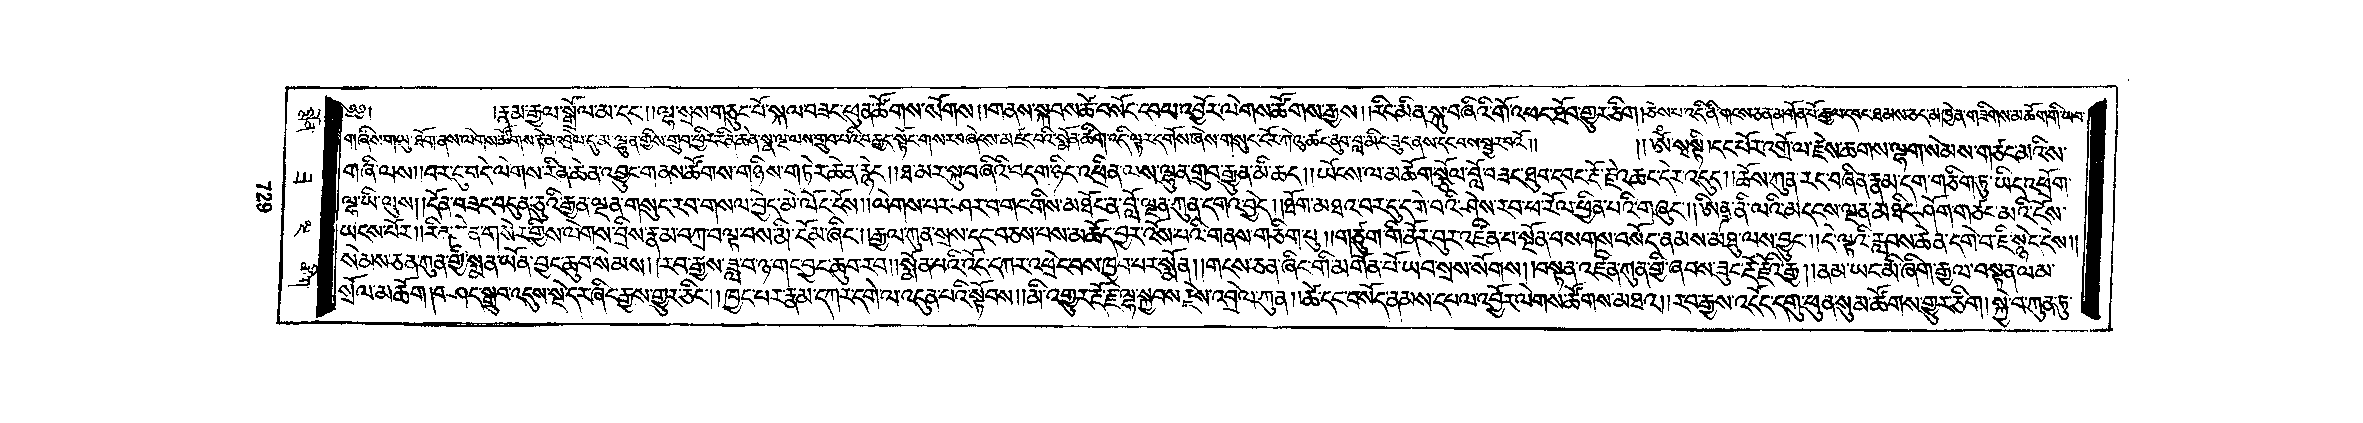༄༅། །རྣམ་རྒྱལ་སྒྲོལ་མ་དང་། །ལྷ་སྲས་གཅུང་པོ་སྐལ་བཟང་ཕུན་ཚོགས་སོགས། །གནས་སྐབས་ཚེ་བསོད་དཔལ་འབྱོར་ལེགས་ཚོགས་རྒྱས། །རིང་མིན་སྐུ་བཞིའི་གོ་འཕང་ཐོབ་གྱུར་ཅིག །ཅེས་པ་འདི་ནི་གངས་ཅན་མགོན་པོ་རྒྱལ་དབང་ཐམས་ཅད་མཁྱེན་གཟིགས་མཆོག་གི་ཡབ་
གཞིས་གཡུ་ཐོག་ནས་ལེགས་ཚོགས་རྟེན་འབྲེལ་དུ་མ་ལྷུན་གྱིས་གྲུབ་ཕྱིར་རིན་ཆེན་སྣ་ལྔ་ལས་གྲུབ་པའི་བརྒྱད་སྟོང་གསར་བཞེངས་མཛད་པའི་སྨོན་ཚིག་འདི་ལྟར་དགོས་ཞེས་གསུང་ངོར་ཀེའུ་ཚང་ནུབ་བླ་མིང་ཟུང་ནས་དང་བས་སྦྱར་བའོ།། །།ཨོཾ་སྭ་སྟི། དང་པོར་འགྲོ་ལ་རྗེས་ཆགས་ལྷག་སེམས་གཙང་མའི་ས་
གཞི་ལས། །བར་དུ་བདེ་ལེགས་རིན་ཆེན་འབྱུང་གནས་ཚོགས་གཉིས་གཏེར་ཆེན་རྙེད། །ཐ་མར་སྐུ་བཞིའི་བདག་ཉིད་འཕྲིན་ལས་ལྷུན་གྲུབ་རྒྱུན་མི་ཆད། །ཡོངས་ལ་མཆོག་སྩོལ་བློ་བཟང་ཐུབ་དབང་རྡོ་རྗེ་འཆང་དེར་འདུད། །ཆོས་ཀུན་རང་བཞིན་རྣམ་དག་གཅིག་ཏུ་ཡིད་འཕྲོག་
ལྷ་ཡི་ལུས། །དོན་བཟང་བདུན་ཅུའི་རྒྱན་ལྡན་གསུང་རབ་གསལ་བྱེད་མེ་ལོང་ངོས། །ལེགས་པར་ཤར་བ་གང་གིས་མཐོང་ན་བློ་ལྡན་ཀུན་དགའ་བྱེད། །ཐོག་མཐའ་བར་དུ་དགེ་བའི་ཤེས་རབ་ཕ་རོལ་ཕྱིན་པའི་གཞུང་། །ཨིནྜ་ནི་ལའི་མདངས་ལྡན་མཐིང་ཤོག་གཙང་མའི་ངོས་
ཡངས་པོར། །རིན་ཆེན་གསེར་གྱིས་ལེགས་བྲིས་རྣམ་བཀྲ་བལྟ་བས་མི་ངོམ་ཞིང་། །རྒྱལ་ཀུན་སྲས་དང་བཅས་པས་མཆོད་བྱར་འོས་པའི་གནས་གཅིག་པུ། །གཙུག་གི་ནོར་བུར་འཛིན་པ་སྔོན་བསགས་བསོད་ནམས་མཐུ་ལས་བྱུང་། །དེ་ལྟའི་རླབས་ཆེན་དགེ་བ་ཇི་སྙེད་དེས། །
སེམས་ཅན་ཀུན་གྱི་སྨན་ཡོན་བྱང་ཆུབ་སེམས། །རབ་རྒྱས་ཟླ་བ་ཉ་གང་བྱང་ཆུབ་རབ། །སྨོན་པའི་འོད་དཀར་འཕྲེང་བས་ཁྱབ་པར་སྨོན། །གངས་ཅན་ཞིང་གི་མགོན་པོ་ཡབ་སྲས་སོགས། །བསྟན་འཛིན་ཀུན་གྱི་ཞབས་ཟུང་རྡོ་རྗེའི་རྒྱ། །ནམ་ཡང་མི་ཞིག་རྒྱལ་བསྟན་ལམ་
སྲོལ་མཆོག །བཤད་སྒྲུབ་འདུས་སྡེ་དར་ཞིང་རྒྱས་གྱུར་ཅིང་། །ཁྱད་པར་རྣམ་དཀར་དགེ་ལ་འདུན་པའི་སྟོབས། །མི་འགྱུར་རྡོ་རྗེ་ལྷ་སྐྱབས་རྗེས་འབྲེལ་ཀུན། །ཚེ་དང་བསོད་ནམས་དཔལ་འབྱོར་ལེགས་ཚོགས་མཐའ། །རབ་རྒྱས་འདོད་དགུ་ཕུན་སུམ་ཚོགས་གྱུར་ཅིག །སྐྱེ་བ་ཀུན་ཏུ་